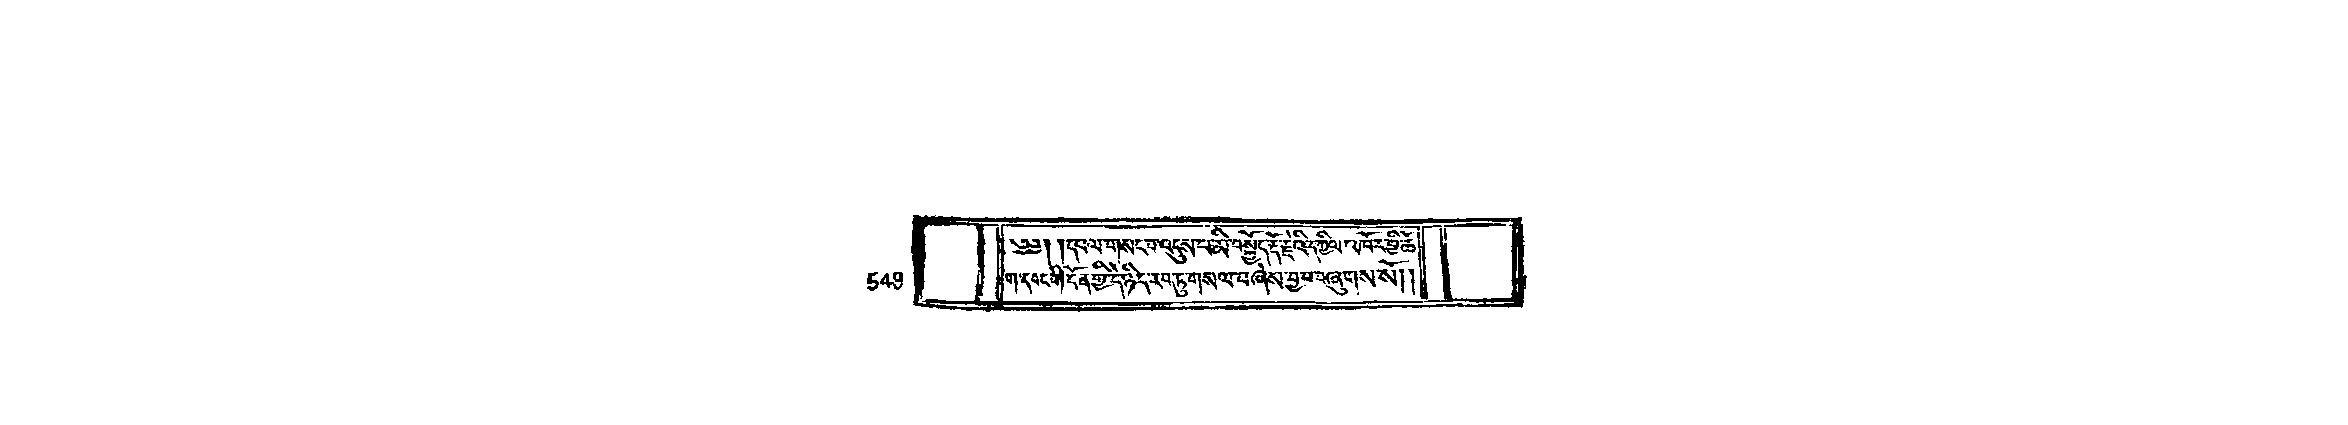༄༅། །དཔལ་གསང་བ་འདུས་པ་མི་བསྐྱོད་རྡོ་རྗེའི་དཀྱིལ་འཁོར་གྱི་ཆོ་
ག་དབང་གི་དོན་གྱི་དེ་ཉིད་རབ་ཏུ་གསལ་བ་ཞེས་བྱ་བ་བཞུགས་སོ། །